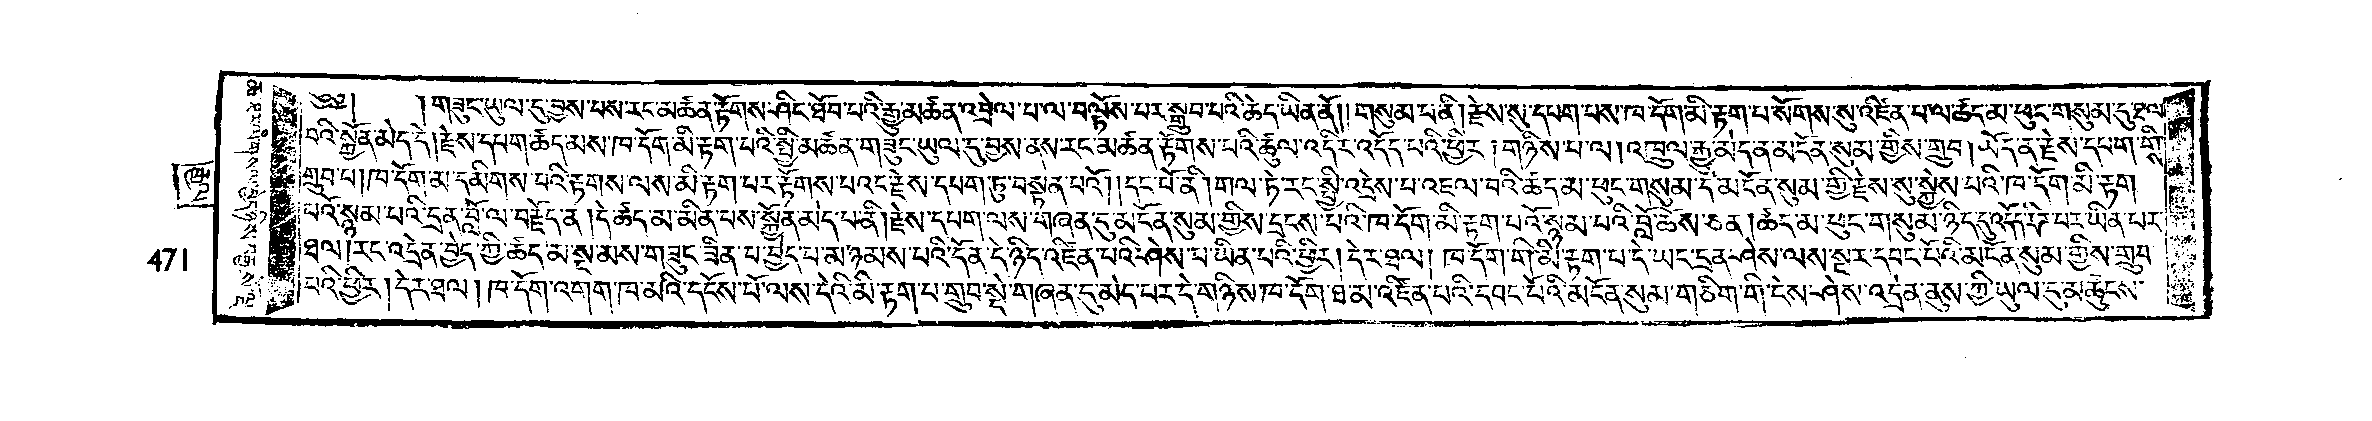༄༅། །གཟུང་ཡུལ་དུ་བྱས་པས་རང་མཚན་རྟོགས་ཤིང་ཐོབ་པའི་རྒྱུ་མཚན་འབྲེལ་པ་ལ་བལྟོས་པར་སྒྲུབ་པའི་ཆེད་ཡིན་ནོ། །གསུམ་པ་ནི། རྗེས་སུ་དཔག་པས་ཁ་དོག་མི་རྟག་པ་སོགས་སུ་འཛིན་པ་ལ་ཚད་མ་ཕུང་གསུམ་དུ་ཐལ་
བའི་སྐྱོན་མེད་དེ། རྗེས་དཔག་ཚད་མས་ཁ་དོག་མི་རྟག་པའི་སྤྱི་མཚན་གཟུང་ཡུལ་དུ་བྱས་ནས་རང་མཚན་རྟོགས་པའི་ཚུལ་འདིར་འདོད་པའི་ཕྱིར། གཉིས་པ་ལ། འཁྲུལ་རྒྱུ་མེད་ན་མངོན་སུམ་གྱིས་གྲུབ། ཡོད་ན་རྗེས་དཔག་གིས་
གྲུབ་པ། ཁ་དོག་མ་དམིགས་པའི་རྟགས་ལས་མི་རྟག་པར་རྟོགས་པའང་རྗེས་དཔག་ཏུ་བསྟན་པའོ། །དང་པོ་ནི། གལ་ཏེ་རང་སྤྱི་འདྲེས་པ་འཇལ་བའི་ཚད་མ་ཕུང་གསུམ་དེ་མངོན་སུམ་གྱི་རྗེས་སུ་སྐྱེས་པའི་ཁ་དོག་མི་རྟག་
པའོ་སྙམ་པའི་དྲན་བློ་ལ་བརྗོད་ན། དེ་ཚད་མ་མིན་པས་སྐྱོན་མེད་པ་ནི། རྗེས་དཔག་ལས་གཞན་དུ་མངོན་སུམ་གྱིས་དྲངས་པའི་ཁ་དོག་མི་རྟག་པའོ་སྙམ་པའི་བློ་ཆོས་ཅན། ཚད་མ་ཕུང་གསུམ་ཉིད་དུ་འདོད་རིགས་པར་ཡིན་པར་
ཐལ། རང་འདྲེན་བྱེད་ཀྱི་ཚད་མ་སྔ་མས་གཟུང་ཟིན་པ་བྱེད་པ་མ་ཉམས་པའི་དོན་དེ་ཉིད་འཛིན་པའི་ཤེས་པ་ཡིན་པའི་ཕྱིར། དེར་ཐལ། ཁ་དོག་གི་མི་རྟག་པ་དེ་ཡང་དྲན་ཤེས་ལས་སྔར་དབང་པོའི་མངོན་སུམ་གྱིས་གྲུབ་
པའི་ཕྱིར། དེར་ཐལ། ཁ་དོག་འགག་ཁ་མའི་དངོས་པོ་ལས་དེའི་མི་རྟག་པ་གྲུབ་སྡེ་གཞན་དུ་མེད་པར་དེ་གཉིས་ཀ་དོག་ཐ་མ་འཛིན་པའི་དབང་པོའི་མངོན་སུམ་གཅིག་གི་ངེས་ཤེས་འདྲེན་ནུས་ཀྱི་ཡུལ་དུ་མཚུངས་